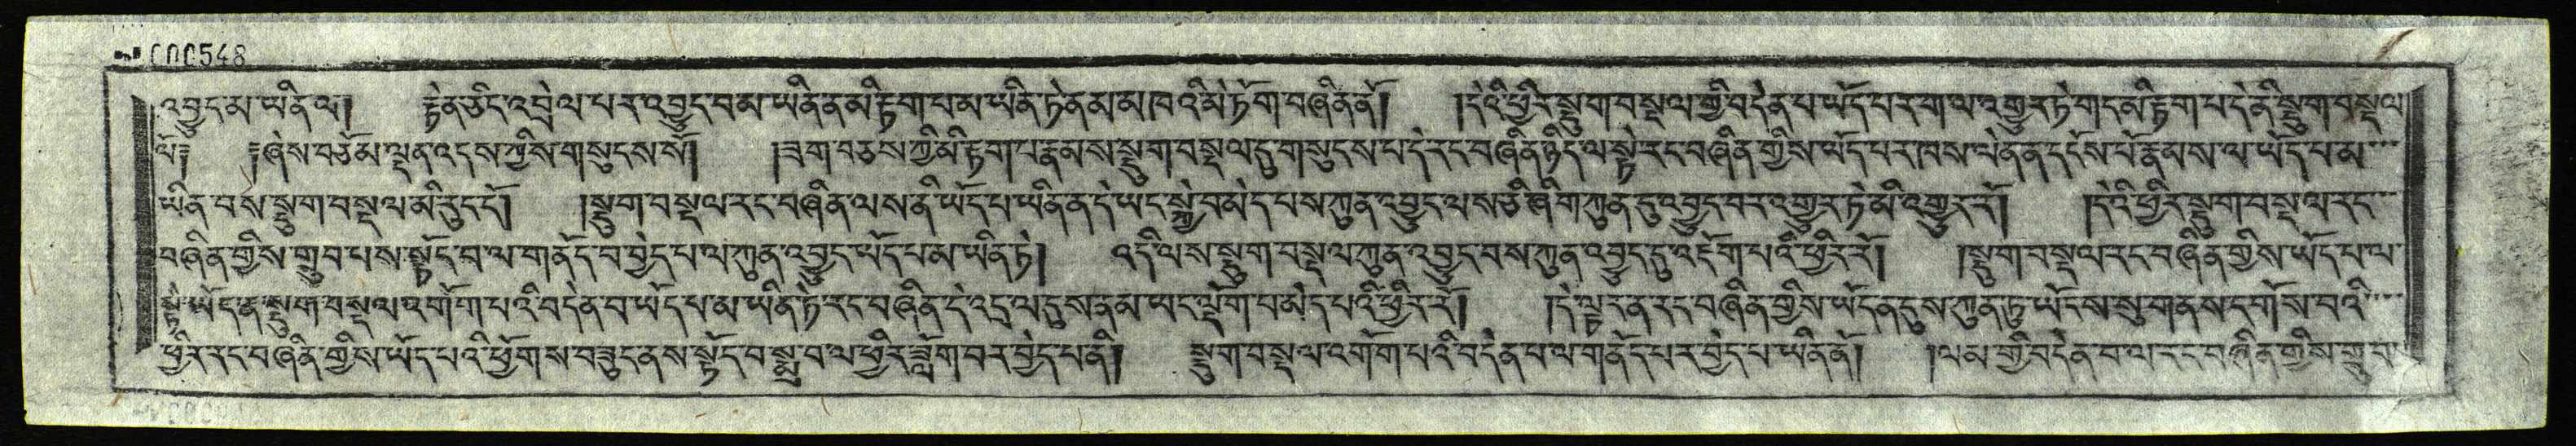འབྱུང་མ་ཡིན་ལ། རྟེན་ཅིང་འབྲེལ་པར་འབྱུང་བ་མ་ཡིན་ན་མི་རྟག་པ་མ་ཡིན་ཏེ་ནམ་མཁའི་མེ་ཏོག་བཞིན་ནོ། །དེའི་ཕྱིར་སྡུག་བསྔལ་གྱི་བདེན་པ་ཡོད་པར་ག་ལ་འགྱུར་ཏེ་གང་མི་རྟག་པ་དེ་ནི་སྡུག་བསྔལ་
ལོ༑ ༑ཞེས་བཅོམ་ལྡན་འདས་ཀྱིས་གསུངས་སོ། །ཟག་བཅས་ཀྱི་མི་རྟག་པ་རྣམས་སྡུག་བསྔལ་དུ་གསུངས་པ་དེ་རང་བཞིན་ཉིད་ལ་སྟེ་རང་བཞིན་གྱིས་ཡོད་པར་ཁས་ལེན་ན་དངོས་པོ་རྣམས་ལ་ཡོད་པ་མ་
ཡིན་པས་སྡུག་བསྔལ་མི་རུང་ངོ། །སྡུག་བསྔལ་རང་བཞིན་ལས་ནི་ཡོད་པ་ཡིན་ན་དེ་ཡང་སྐྱེ་བ་མེད་པས་ཀུན་འབྱུང་ལས་ཅི་ཞིག་ཀུན་དུ་འབྱུང་བར་འགྱུར་ཏེ་མི་འགྱུར་རོ། །དེའི་ཕྱིར་སྡུག་བསྔལ་རང་
བཞིན་གྱིས་གྲུབ་པས་སྟོང་བ་ལ་གནོད་པ་བྱེད་པ་ལ་ཀུན་འབྱུང་ཡོད་པ་མ་ཡིན་ཏེ། འདི་ལས་སྡུག་བསྔལ་ཀུན་འབྱུང་བས་ཀུན་འབྱུང་དུ་འཇོག་པའི་ཕྱིར་རོ། །སྡུག་བསྔལ་རང་བཞིན་གྱིས་ཡོད་པ་ལ་
སྟེ་ཡོད་ན་སྡུག་བསྔལ་འགོག་པའི་བདེན་པ་ཡོད་པ་མ་ཡིན་ཏེ་རང་བཞིན་དེ་འདྲ་ལ་དུས་ནམ་ཡང་ལྡོག་པ་མེད་པའི་ཕྱིར་རོ། །དེ་ལྟར་ན་རང་བཞིན་གྱིས་ཡོད་ན་དུས་ཀུན་ཏུ་ཡོངས་སུ་གནས་དགོས་པའི་
ཕྱིར་རང་བཞིན་གྱིས་ཡོད་པའི་ཕྱོགས་བཟུང་ནས་སྟོང་པ་སྨྲ་བ་ལ་ཕྱིར་ཟློག་བར་བྱེད་པ་ནི། སྡུག་བསྔལ་འགོག་པའི་བདེན་པ་ལ་གནོད་པར་བྱེད་པ་ཡིན་ནོ། །ལམ་གྱི་བདེན་པ་ལ་རང་བཞིན་གྱིས་གྲུབ་